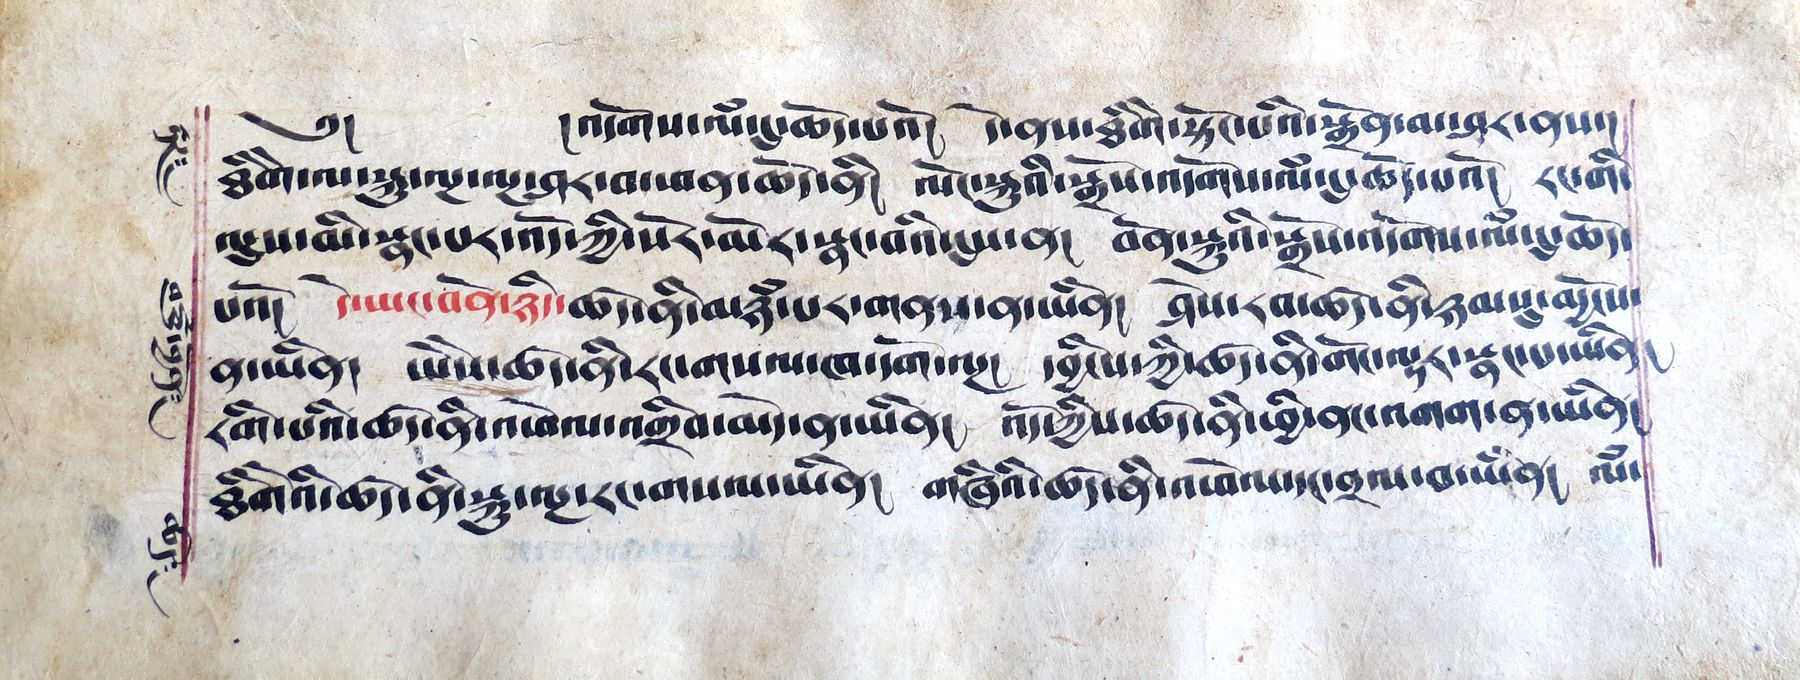འདོགས་ལམ་དུ་ཆོད་པའོ། །དེ་ནས་ཐིག་ལེ་སྟོང་པའི་སྒྲོན་མ་ཤར་ནས། 
ཐིག་ལེ་སྐུ་ལྔ་ལྔར་ཤར་བ་ཕན་ཆོད་ནི། ལོངས་སྐུའི་སྒྲོ་འདོགས་ལམ་དུ་ཆོད་པའོ། །རང་གི་
ལུས་མི་སྣང་བར་འོད་ཀྱི་སོར་མོར་སྣང་བའི་དུས་ན། བོན་སྐུའི་སྒྲོ་འདོགས་ལམ་དུ་ཆོད་
པའོ། དེ་ཡང་བོན་ཉིད་ཚད་ནི་མཉམ་པར་གནས་ན་ཡིན། ཤེས་རབ་ཚད་ནི་ཉམས་སུ་མྱོང་
ན་ཡིན། ཡེ་ཤེས་ཚད་ནི་རང་གསལ་ཁ་དོག་ལྔ། དབྱིངས་ཀྱི་ཚད་ནི་གོང་ལྟར་སྣང་ན་ཡིན། 
རིག་པའི་ཚད་ནི་འཕེལ་འགྲིབ་མེད་ན་ཡིན། འོད་ཀྱི་ཚད་ནི་ཕྱི་ནང་འགག་ན་ཡིན། 
ཐིག་ལེའི་ཚད་ནི་སྐུ་ལྔ་རང་གསལ་ཡིན། གཞིའི་ཚད་ནི་འཕེལ་འགྲིབ་དང་བྲལ་ན་ཡིན། ལམ་